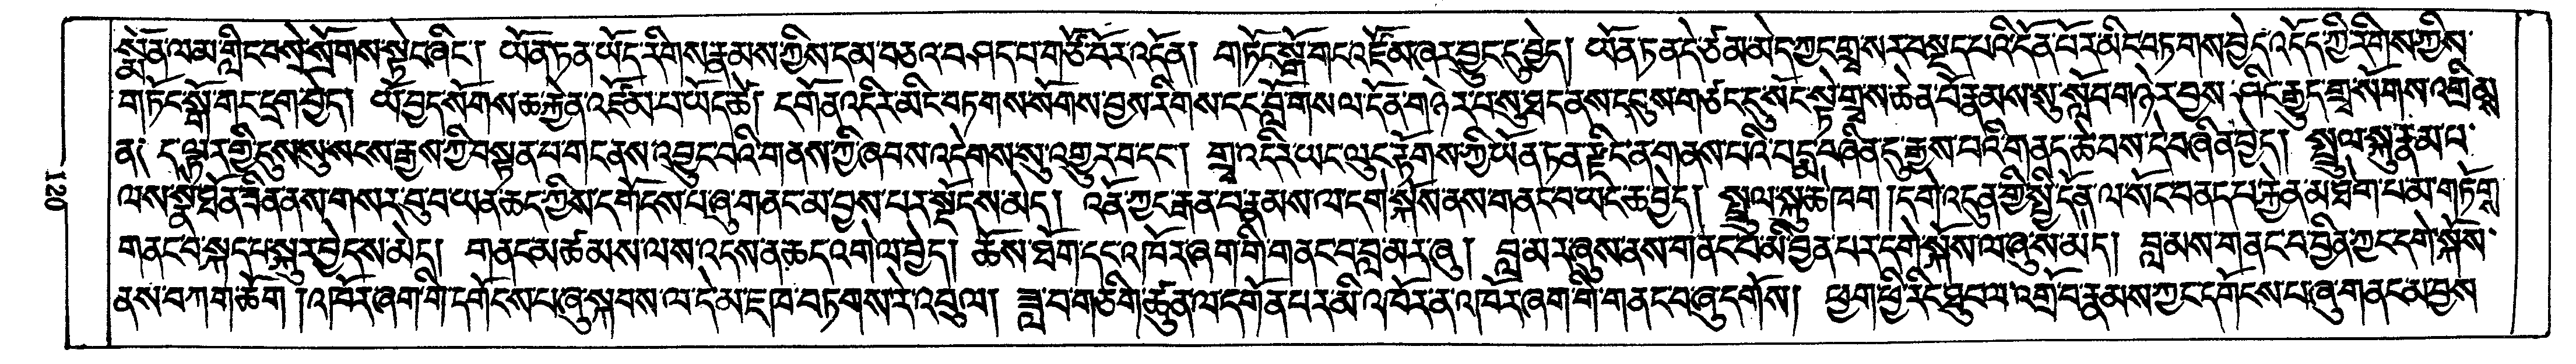སྨོན་ལམ་གླིང་བསྲེ་སོགས་སྟེར་ཞིང་། ཡོན་ཏན་ཡོད་རིགས་རྣམས་ཀྱིས་དམ་བཅའ་བཤད་པ་གཙོ་བོར་འདོན། གཏོང་སྒོ་གང་འཛོམ་ཞར་བྱུང་དུ་བྱེད། ཡོན་ཏན་དེ་ཙམ་མེད་ཀྱང་གྲྭ་སར་བསྡད་པའི་དོན་པོར་མིང་བཏགས་བྱེད་འདོད་ཀྱི་རིགས་ཀྱིས་
གཏོང་སྒོ་གང་དྲག་བྱེད། ཡོ་བྱད་སོགས་ཆ་རྐྱེན་འཛོམ་པ་ཡོད་ཚེ། དགོན་འདིར་མིང་བཏགས་སོགས་བྱས་རིགས་དང་བློ་གསལ་དོན་གཉེར་བ་སུ་ཐད་ནས་དབུས་གཙང་དུ་སོང་སྟེ་གྲྭ་ས་ཆེན་པོ་རྣམས་སུ་སློབ་གཉེར་བྱས་ཤིང་རྒྱུད་གྲྭ་སོགས་འགྲིམས་
ན། ད་ལྟར་གྱི་དུས་སུ་སངས་རྒྱས་ཀྱི་བསྟན་པ་གང་ནས་འབྱུང་བའི་གནས་ཀྱི་ཞབས་འདེགས་སུ་འགྱུར་བ་དང་། གྲྭ་འདིར་ཡང་ལུང་རྟོགས་ཀྱི་ཡོན་ཏན་རྫིང་ན་གནས་པའི་པདམ་བཞིན་དུ་རྒྱས་པའི་གནད་ཆེ་བས་དེ་བཞིན་བྱེད། སྤྲུལ་སྐུ་རྣམ་པ་
ལས་སྣེ་ཐོན་ཟིན་ནས་གསར་བུ་བ་ཡན་ཆད་ཀྱིས་དགོངས་པ་ཞུ་གནང་མ་བྱས་པར་སྡོངས་མེད། འོན་ཀྱང་རྒན་པ་རྣམས་ལ་དགེ་སྐོས་ནས་གནང་བ་ཡང་ཆ་བྱེད། སྤྲུལ་སྐུ་ཆེ་ཁག །དགེ་འདུན་གྱི་སྤྱི་དོན་ལ་སོང་བ་ནད་བ་རྐྱེན་མ་ཐེག་པ་མ་གཏོགས་
གནང་བ་སྐད་བསྐུར་བྱེད་ས་མེད། གནང་མཚམས་ལས་འདས་ན་ཆད་འགེལ་བྱེད། ཆོས་ཐོག་དང་འཁོར་ཞག་གི་གནང་བ་བླ་མར་ཞུ། བླ་མར་ཞུས་ནས་གནང་བ་མ་བྱིན་པར་དགེ་སྐོས་ལ་ཞུ་ས་མེད། བླ་མས་གནང་བ་བྱིན་ཀྱང་དགེ་སྐོས་
ནས་བཀག་ཆོག །འཁོར་ཞག་གི་དགོངས་པ་ཞུ་སྐབས་ལ་དེ་མ་ཇ་ཁ་བཏགས་རེ་འབུལ། ཟླ་བ་གཅིག་ཚུན་ལ་དགོན་པར་མི་འཁོར་ན་འཁོར་ཞག་གི་གནང་བ་ཞུ་དགོས། ཕྱག་ཕྱི་རིང་ཐུང་ལ་འགྲོ་བ་རྣམས་ཀྱང་དགོངས་པ་ཞུ་གནང་མ་བྱས་